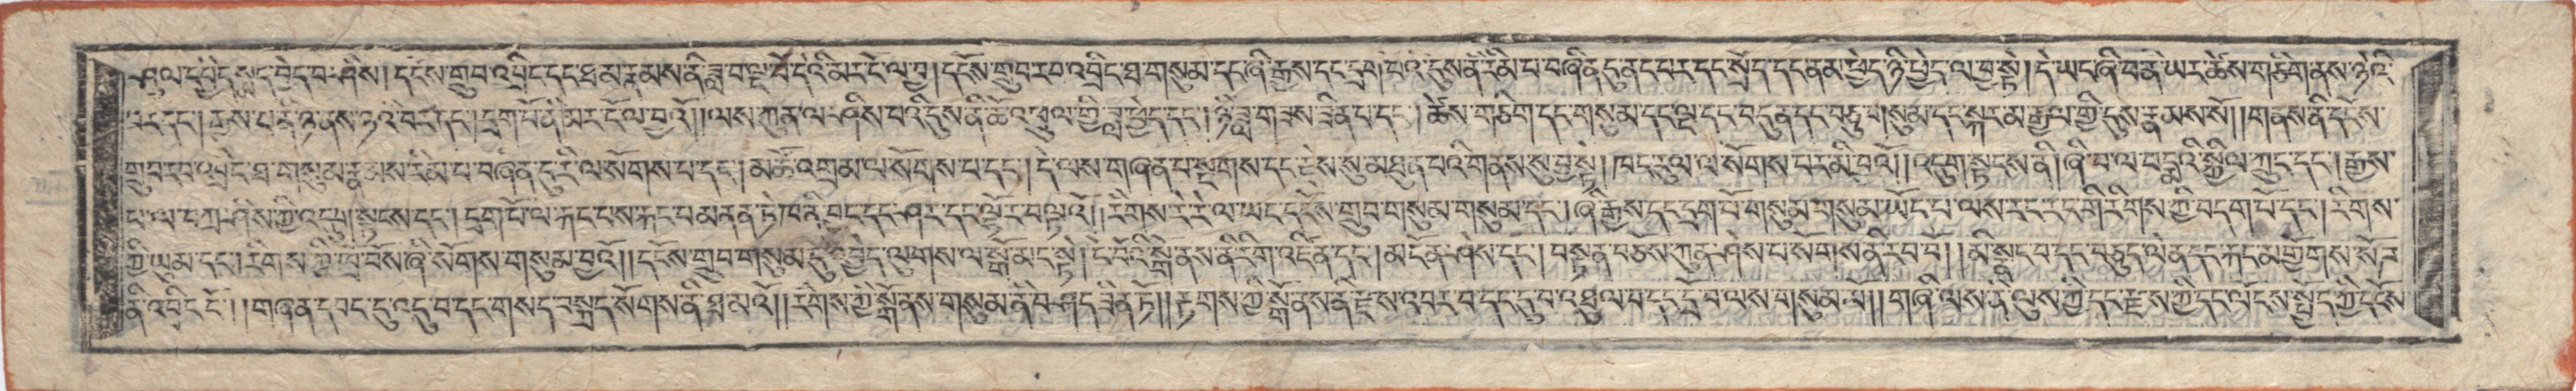ཤུལ་དཔྱིད་སྨད་བྱེད་བ་ཤིས། དངོས་གྲུབ་འབྲིང་དང་ཐ་མ་རྣམས་ནི་ཟླ་བ་ལྔ་པོ་དེའི་མར་ངོ་ལ་བྱ། དངོས་གྲུབ་རབ་འབྲིང་ཐ་གསུམ་དང་ཞི་རྒྱས་དང་དྲག་པོའི་དུས་ནི་རིམ་པ་བཞིན་དུ་ནང་པར་དང་སྲོད་དང་ནམ་ཕྱེད་ཉི་ཕྱེད་ལ་བྱ་སྟེ། དེ་ཡང་ཞི་བ་ནི་ཡར་ཚེས་གཅིག་ནས་ཉེའི་
བར་དང་། རྒྱས་པ་ནི་ཉ་ནས་ཉའི་བར་དང་། དྲག་པོ་ནི་མར་ངོ་ལ་བྱའོ། །ལས་ཀུན་ལ་ཤིས་པའི་དུས་ནི་ཆོ་འཕྲུལ་གྱི་ཟླ་ཕྱེད་དང་། ཉི་ཟླ་གཟས་ཟིན་པ་དང་། ཚེས་གཅིག་དང་གསུམ་དང་ལྔ་དང་བདུན་དང་བཅུ་གསུམ་དང་སྐར་མ་རྒྱལ་གྱི་དུས་རྣམས་སོ། །གནས་ནི་དངོས་
གྲུབ་རབ་འབྲིང་ཐ་གསུམ་རྣམས་རིམ་པ་བཞིན་དུ་རི་ལ་སོགས་པ་དང་། མཚོ་འགྲམ་ལ་སོགས་པ་དང་། དེ་ལས་གཞན་པ་སྔགས་དང་རྗེས་སུ་མཐུན་པའི་གནས་སུ་བྱ་སྟེ། ཁང་རུལ་ལ་སོགས་པར་མི་བྱའོ། །འདུག་སྟངས་ནི། ཞི་བ་ལ་པདམའི་སྐྱིལ་ཀྲུང་དང་། རྒྱས་
པ་ལ་བཀྲ་ཤིས་ཀྱི་འདུག་སྟངས་དང་། དྲག་པོ་ལ་རྐང་པས་རྐང་པ་མནན་ཏེ་ཁ་ནི་བྱང་དང་ཤར་དང་ལྷོར་བལྟའོ། །རིགས་རེ་རེ་ལ་ཡང་དངོས་གྲུབ་གསུམ་གསུམ་དང་། ཞི་རྒྱས་དང་དྲག་པོ་གསུམ་གསུམ་ཡོད་པ་ལས་རང་རང་གི་རིགས་ཀྱི་བདག་པོ་དང་། རིགས་
ཀྱི་ཡུམ་དང་། རིགས་ཀྱི་ཁྲོ་བོས་ཞི་སོགས་གསུམ་བྱའོ། །དངོས་གྲུབ་གསུམ་དུ་འབྱེད་ལུགས་ལ་སྒོ་མང་སྟེ། ངོ་བོའི་སྒོ་ནས་ནི་རིག་འཛིན་དང་། མངོན་ཤེས་དང་། བསྟན་བཅོས་ཀུན་ཤེས་པ་སོགས་ནི་རབ་བོ། །མི་སྣང་བ་དང་བཅུད་ལེན་དང་རྐང་མགྱོགས་སོགས་
ནི་འབྲིང་ངོ། །གཞན་དབང་དུ་འདུ་བ་དང་གསད་བསྐྲད་སོགས་ནི་ཐ་མའོ། །རིགས་ཀྱི་སྒོ་ནས་གསུམ་ནི་བཤད་ཟིན་ཏོ། །རྟགས་ཀྱི་སྒོ་ནས་ནི་རྫས་འབར་བ་དང་དུ་བ་འཐུལ་བ་དང་དྲོ་བ་ལས་གསུམ་མོ། །གཞི་ལས་ནི་ལུས་ཀྱི་དང་རྫས་ཀྱི་དང་ལོངས་སྤྱོད་ཀྱི་དངོས་